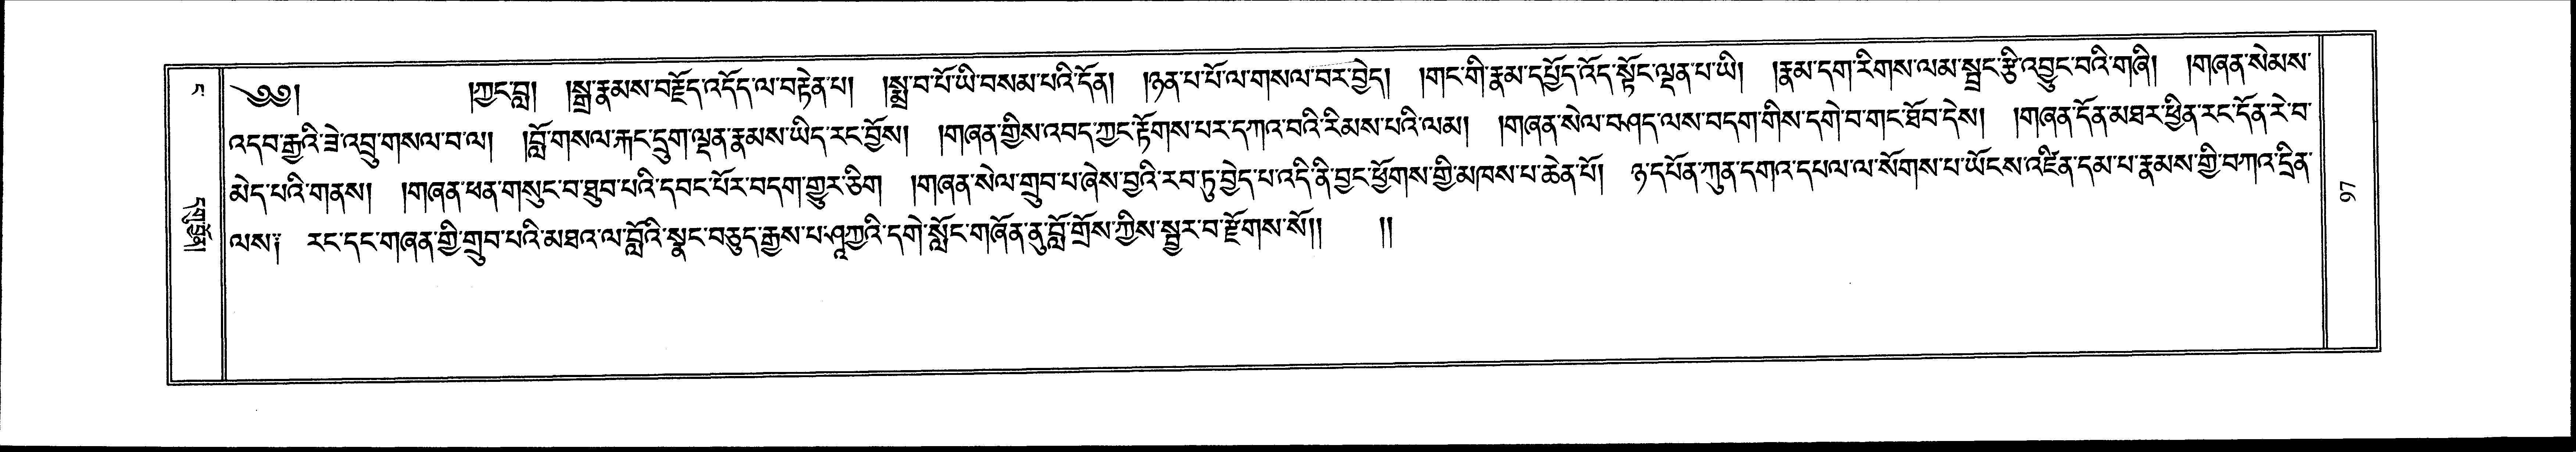༄༅། །ཀྱང་བླ། །སྒྲ་རྣམས་བརྗོད་འདོད་ལ་བརྟེན་པ། །སྨྲ་བ་པོ་ཡི་བསམ་པའི་དོན། །ཉན་པ་པོ་ལ་གསལ་བར་བྱེད། །གང་གི་རྣམ་དཔྱོད་འོད་སྟོང་ལྡན་པ་ཡི། །རྣམ་དག་རིགས་ལམ་སྦྲང་རྩི་འབྱུང་བའི་གཞི། །གཞན་སེམས་
འདབ་རྒྱའི་ཟེ་འབྲུ་གསལ་བ་ལ། །བློ་གསལ་རྐང་དྲུག་ལྡན་རྣམས་ཡིད་རང་བྱོས། །གཞན་གྱིས་འབད་ཀྱང་རྟོགས་པར་དཀའ་བའི་རིམས་པའི་ལམ། །གཞན་སེལ་བཤད་ལས་བདག་གིས་དགེ་བ་གང་ཐོབ་དེས། །གཞན་དོན་མཐར་ཕྱིན་རང་དོན་རེ་བ་
མེད་པའི་གནས། །གཞན་ཕན་གསུང་བ་ཐུབ་པའི་དབང་པོར་བདག་གྱུར་ཅིག །གཞན་སེལ་གྲུབ་པ་ཞེས་བྱའི་རབ་ཏུ་བྱེད་པ་འདི་ནི་བྱང་ཕྱོགས་གྱི་མཁས་པ་ཆེན་པོ། །ཉ་དཔོན་ཀུན་དགའ་དཔལ་ལ་སོགས་པ་ཡོངས་འཛིན་དམ་པ་རྣམས་གྱི་བཀའ་དྲིན་
ལས། །རང་དང་གཞན་གྱི་གྲུབ་པའི་མཐའ་ལ་བློའི་སྣང་བཅུད་རྒྱས་པ་ཤཱཀྱའི་དགེ་སློང་གཞོན་ནུ་བློ་གྲོས་ཀྱིས་སྦྱར་བ་རྫོགས་སོ།། །།